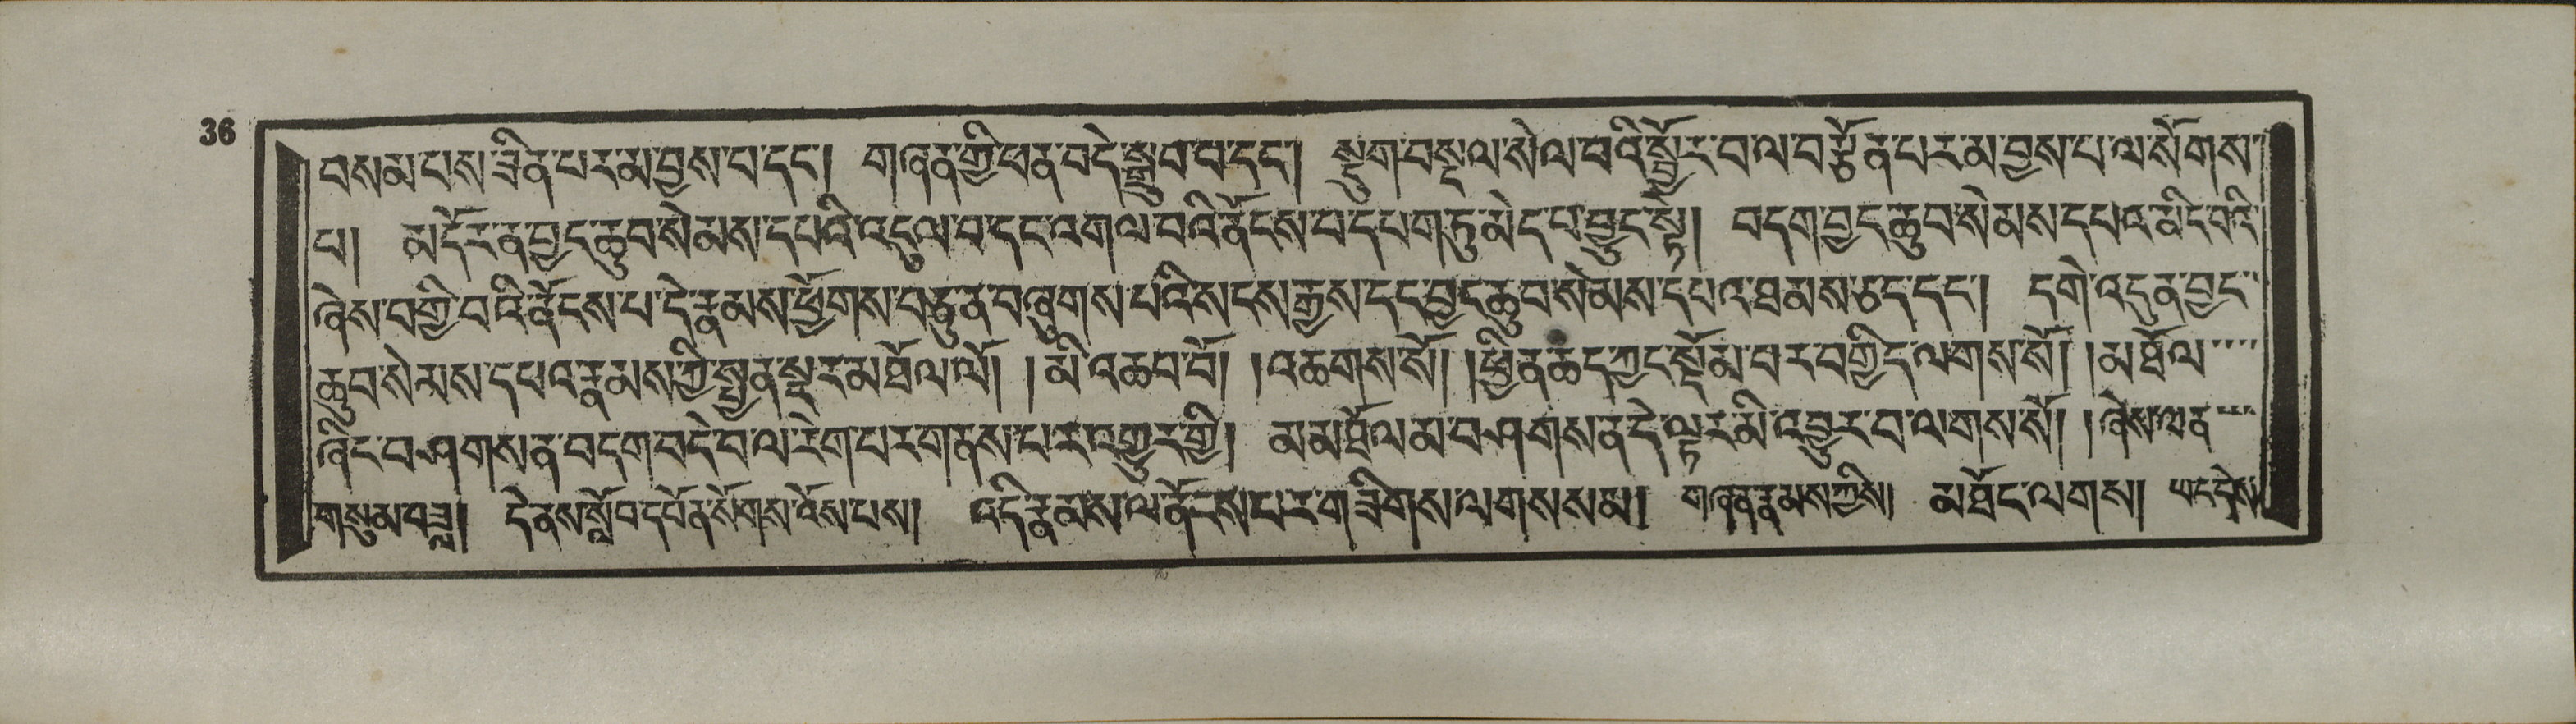བསམ་པས་ཟིན་པར་མ་བྱས་པ་དང་། གཞན་གྱི་ཕན་བདེ་སྒྲུབ་པ་དང་། སྡུག་བསྔལ་སེལ་བའི་སྦྱོར་པ་ལ་བརྩོན་པར་མ་བྱས་པ་ལ་སོགས་
པ། མདོར་ན་བྱང་ཆུབ་སེམས་དཔའི་འདུལ་བ་དང་འགལ་བའི་ནོངས་པ་དཔག་ཏུ་མེད་པ་བྱུང་སྟེ། བདག་བྱང་ཆུབ་སེམས་དཔའ་མིང་བའི་
ཞེས་བགྱི་བའི་ནོངས་པ་དེ་རྣམས་ཕྱོགས་བཅུ་ན་བཞུགས་པའི་སངས་རྒྱས་དང་བྱང་ཆུབ་སེམས་དཔའ་ཐམས་ཅད་དང་། དགེ་འདུན་བྱང་
ཆུབ་སེམས་དཔའ་རྣམས་ཀྱི་སྤྱན་སྔར་མཐོལ་ལོ། །མི་འཆབ་བོ། །འཆགས་སོ། །ཕྱིན་ཆད་ཀྱང་སྡོམ་པར་བགྱིད་ལགས་སོ། །མཐོལ་
ཞིང་བཤགས་ན་བདག་བདེ་བ་ལ་རེག་པར་གནས་པར་འགྱུར་གྱི། མ་མཐོལ་མ་བཤགས་ན་དེ་ལྟར་མི་འབྱུར་བ་ལགས་སོ། །ཞེས་ལན་
གསུམ་བཟླ། དེ་ནས་སློབ་དཔོན་སོགས་འོས་པས། འདི་རྣམས་ལ་ནོངས་པར་གཟིགས་ལགས་སམ། གཞན་རྣམས་ཀྱིས། མཐོང་ལགས། ཡང་དེས་